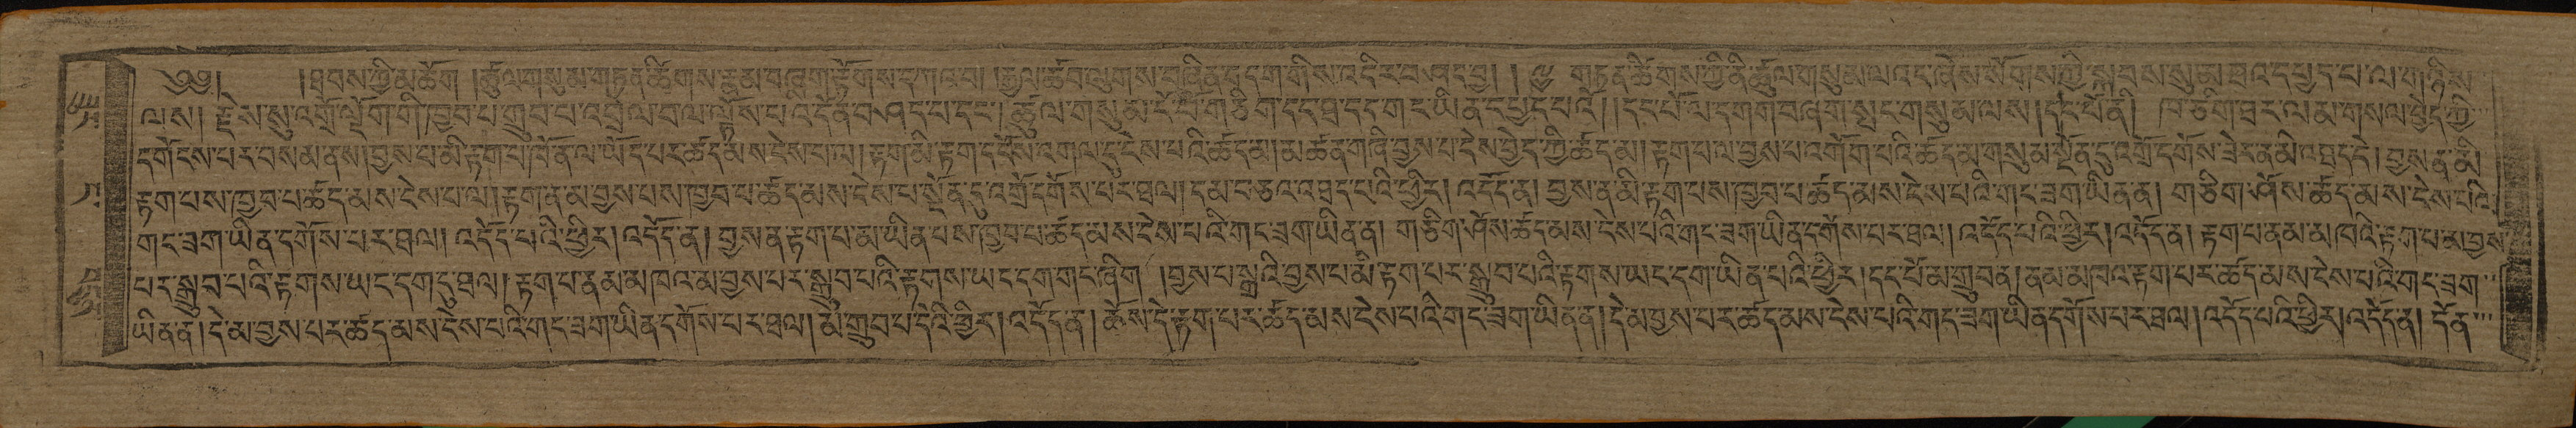༄༅། །ཐབས་ཀྱི་མཆོག །ཚུལ་གསུམ་གཏན་ཚིགས་རྣམ་གཞག་རྟོགས་དཀའ་བ། །རྒྱལ་ཚབ་ལུགས་བཞིན་བདག་གིས་འདིར་བཤད་བྱ། །༈ གཏན་ཚིགས་ཀྱི་ནི་ཚུལ་གསུམ་ལའང་ཞེས་སོགས་ཀྱི་སྐབས་སུ་མཐའ་དཔྱད་པ་ལ་གཉིས་
ལས། རྗེས་སུ་འགྲོ་ལྡོག་གི་ཁྱབ་པ་གྲུབ་པ་འབྲེལ་བ་ལ་ལྟོས་པའི་དོན་བཤད་པ་དང་། ཚུལ་གསུམ་ངོ་བོ་གཅིག་དང་ཐ་དད་གང་ཡིན་དཔྱད་པའོ། །དང་པོ་ལ་དགག་བཞག་སྤོང་གསུམ་ལས། དང་པོ་ནི། ཁ་ཅིག་ཐར་ལམ་གསལ་བྱེད་ཀྱི་
དགོངས་པར་བསམ་ནས། བྱས་པ་མི་རྟག་པ་ཁོ་ན་ལ་ཡོད་པར་ཚད་མས་ངེས་པ་ལ། རྟག་མི་རྟག་དངོས་འགལ་དུ་ངེས་པའི་ཚད་མ། མཚན་གཞི་བྱས་པ་ངེས་བྱེད་ཀྱི་ཚད་མ། རྟག་པ་ལ་བྱས་པ་འགོག་པའི་ཚད་མ་གསུམ་སྔོན་དུ་འགྲོ་དགོས་ཟེར་ན་མི་འཐད་དེ། བྱས་ན་མི་
རྟག་པས་ཁྱབ་པ་ཚད་མས་ངེས་པ་ལ། རྟག་ན་མ་བྱས་པས་ཁྱབ་པ་ཚད་མས་ངེས་པ་སྔོན་དུ་འགྲོ་དགོས་པར་ཐལ། དམ་བཅའ་འཐད་པའི་ཕྱིར། འདོད་ན། བྱས་ན་མི་རྟག་པས་ཁྱབ་པ་ཚད་མས་ངེས་པའི་གང་ཟག་ཡིན་ན། གཅིག་ཤོས་ཚད་མས་ངེས་པའི་
གང་ཟག་ཡིན་དགོས་པར་ཐལ། འདོད་པའི་ཕྱིར། འདོད་ན། བྱས་ན་རྟག་པ་མ་ཡིན་པས་ཁྱབ་པ་ཚད་མས་ངེས་པའི་གང་ཟག་ཡིན་ན། གཅིག་ཤོས་ཚད་མས་ངེས་པའི་གང་ཟག་ཡིན་དགོས་པར་ཐལ། འདོད་པའི་ཕྱིར། འདོད་ན། རྟག་པ་ནམ་མཁའི་རྟག་པ་མ་བྱས་
པར་སྒྲུབ་པའི་རྟགས་ཡང་དག་དུ་ཐལ། རྟག་པ་ནམ་མཁའ་མ་བྱས་པར་སྒྲུབ་པའི་རྟགས་ཡང་དག་གང་ཞིག །བྱས་པ་སྒྲའི་བྱས་པ་མི་རྟག་པར་སྒྲུབ་པའི་རྟགས་ཡང་དག་ཡིན་པའི་ཕྱིར། དང་པོ་མ་གྲུབ་ན། ནམ་མཁའ་རྟག་པར་ཚད་མས་ངེས་པའི་གང་ཟག་
ཡིན་ན། དེ་མ་བྱས་པར་ཚད་མས་ངེས་པའི་གང་ཟག་ཡིན་དགོས་པར་ཐལ། མ་གྲུབ་པ་དེའི་ཕྱིར། འདོད་ན། ཆོས་དེ་རྟག་པར་ཚད་མས་ངེས་པའི་གང་ཟག་ཡིན་ན། དེ་མ་བྱས་པར་ཚད་མས་ངེས་པའི་གང་ཟག་ཡིན་དགོས་པར་ཐལ། འདོད་པའི་ཕྱིར། འདོད་ན། དོན་